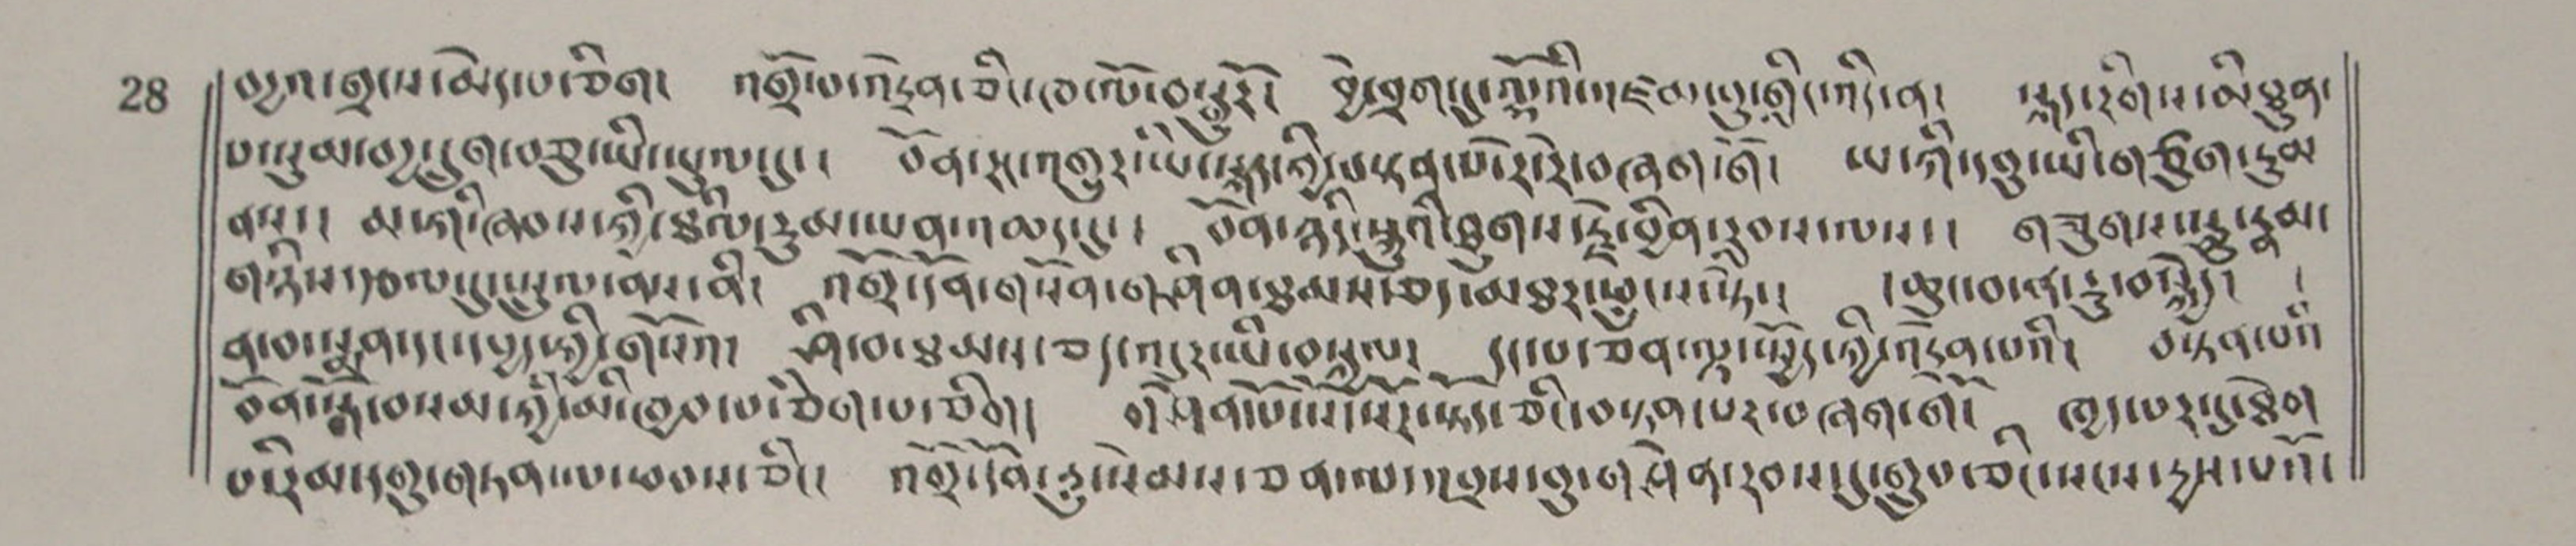བརྒྱ་གྲངས་མེད་པ་ཅིག་འགྲོ་བ་སེམས་ཅན་འདྲེན་ཅིང་ཁ་ལོ་བསྒྱུར་རོ། །བྱེ་བྲག་ཏུ་ལྷོ་འཛམ་བུ་གླིང་འདི་ན། སྐད་རིགས་མི་འདྲ་བ་མི་
གཅིག་སུམ་བརྒྱ་དྲུག་བཅུའི་ཡུལ་དུ་ བོན་རང་འགྱུར་གྱི་སྐད་ཀྱི་བསྟན་པ་རེ་རེ་བཞག་གོ །ཡ་ཀི་དབུའི་གཙུག་རུམ་
ནས་ མ་ཀི་ཞབས་ཀྱི་མཐིལ་རུམ་ཡན་ཆད་དུ། བོན་ཉིད་སྐུ་ཡི་ཐུགས་རྗེས་བྱིན་བརླབས་ལས། གཟུགས་སྐུ་རྣམ་
གཉིས་རྩལ་དུ་སྤྲུལ་ནས་ནི། འགྲོ་དོན་གསོན་གཤིན་ཐམས་ཅད་མཐར་ཕྱུངས་[ཕྱིན]ཏེ་ཆུང་བ་བར་དུ་བསྐྱེད། 
ན་བ་སྨན་དང་དཔྱད་ཀྱིས་བསྐྱལ། ཤི་བ་ཐམས་ཅད་འདུར་ཐབས་ཀྱིས་གསོའ། དད་པ་ཅན་ལྟ་སྤྱོད་ཀྱིས་འདྲེན་པ་ཡིན། བསྟན་པའི་
བོན་སྒོ་བསམ་གྱིས་མི་ཁྱབ་པ་ཅིག་གཤེན་པོ་རྣམས་སོ་སོར་སྟོན་ཅིང་བསྟན་པར་བཞག ཁྱད་པར་དུ་ཐེག་
པ་རིམ་དགུ་གཏན་ལ་ཕབས་ཅིང་། འགྲོ་དོན་རྒྱུའི་སེམས་ཅན་ལ་འབྲས་བུ་གཤེན་རབ་ཏུ་གྲུབ་ཅིང་སངས་རྒྱས་པའོ། །